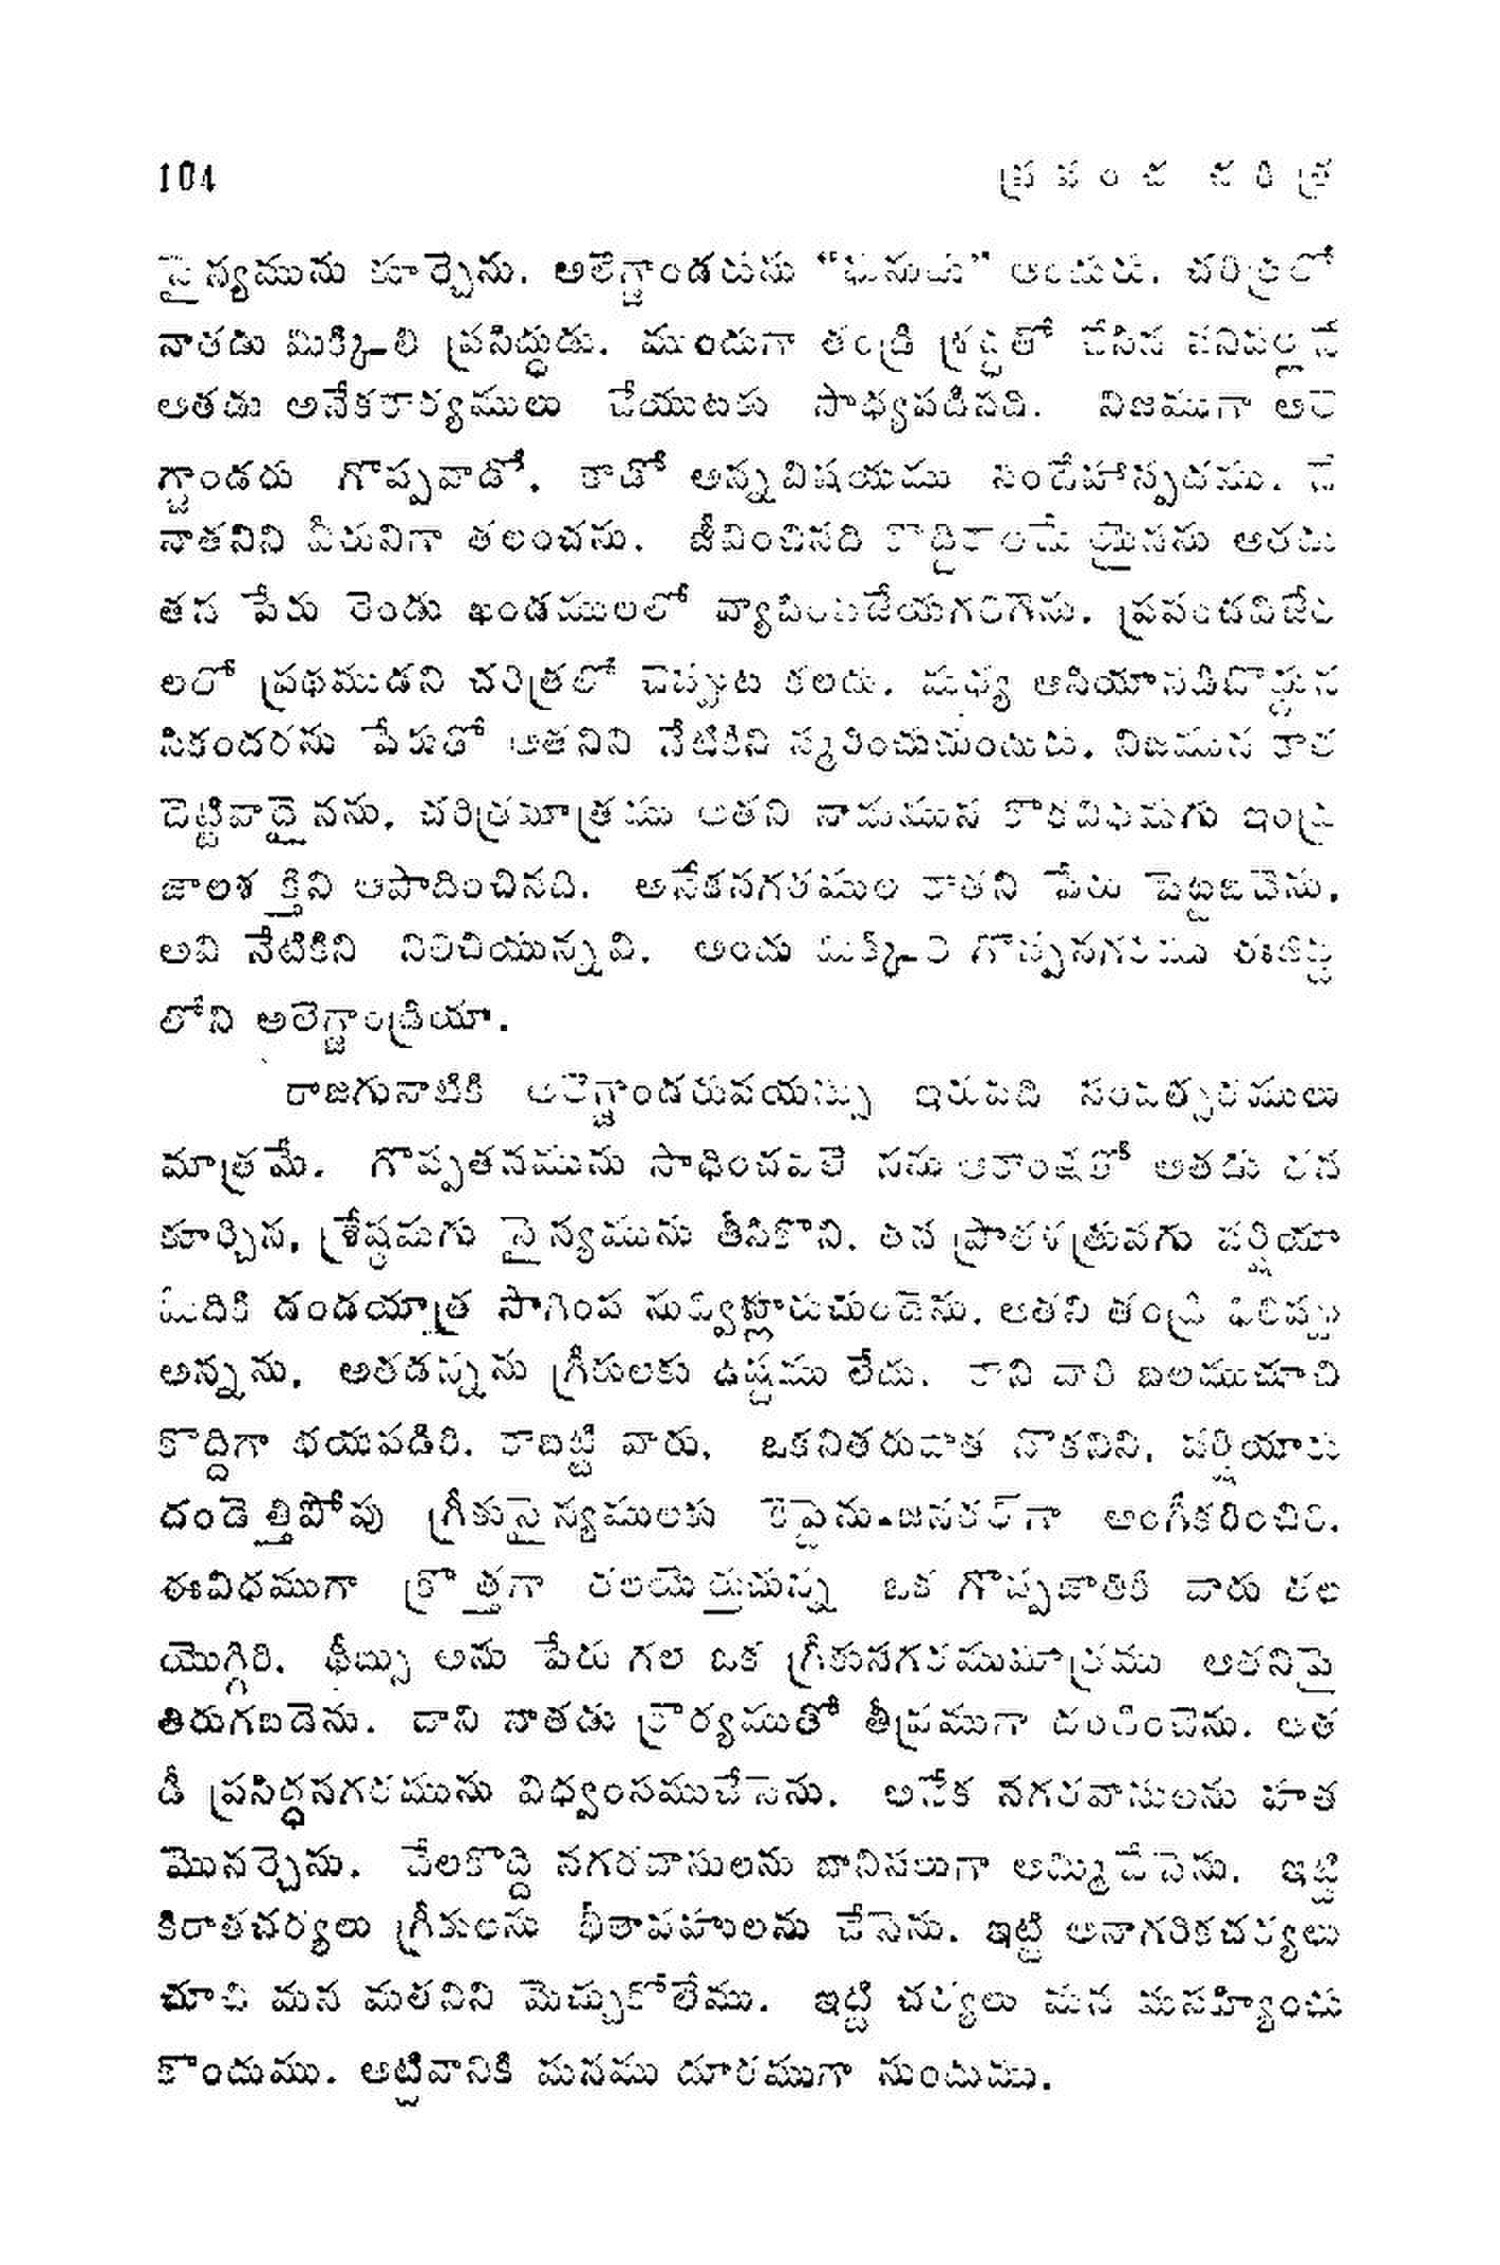సైన్యమును కూర్చెను. అలెగ్జాండరును "ఘనుడు" అందురు. చరిత్రలో నాతడు మిక్కిలి ప్రసిద్ధుడు. ముందుగా తండ్రి శ్రద్ధతో చేసిన పనివల్లనే అతడు అనేకకార్యములు చేయుటకు సాధ్యపడినది. నిజముగా అలెగ్జాండరు గొప్పవాడో, కాడో అన్నవిషయము సందేహాస్పదము. నే నాతనిని వీరునిగా తలంచను. జీవించినది కొద్దికాలమే యైనను అతడు తన పేరు రెండు ఖండములలో వ్యాపింపజేయగలిగెను. ప్రపంచవిజేతలలో ప్రథముడని చరిత్రలో చెప్పుట కలదు. మధ్య ఆసియానడిబొడ్డున సికందరను పేరుతో అతనిని నేటికిని స్మరించుచుందురు. నిజమున కాతడెట్టివాడైనను, చరిత్రమాత్రము అతని నామమున కొకవిధమగు ఇంద్రజాలశక్తిని ఆపాదించినది. అనేకనగరముల కాతని పేరు పెట్టబడెను. అవి నేటికిని నిలిచియున్నవి. అందు మిక్కిలి గొప్పనగరము ఈజిప్టులోని అలెగ్జాండ్రియా.

రాజగునాటికి అలెగ్జాండరువయస్సు ఇరువది సంవత్సరములు మాత్రమే. గొప్పతనమును సాధించవలె నను ఆకాంక్షతో అతడు తన కూర్చిన, శ్రేష్ఠమగు సైన్యమును తీసికొని, తనప్రాతశత్రువగు పర్షియా మీదికి దండయాత్ర సాగింప నువ్విళ్లూరుచుండెను. అతని తండ్రి ఫిలిప్పు అన్నను, అతడన్నను గ్రీకులకు ఇష్టము లేదు. కాని వారి బలముచూచి కొద్దిగా భయపడిరి. కాబట్టి వారు, ఒకనితరువాత నొకనిని, పర్షియాకు దండెత్తిపోవు గ్రీకుసైన్యములకు కెప్టెను-జనరల్‌గా అంగీకరించిరి. ఈవిధముగా క్రొత్తగా తలయెత్తుచున్న ఒక గొప్పజాతికి వారు తల యొగ్గిరి. థీబ్సు అను పేరు గల ఒక గ్రీకునగరముమాత్రము ఆతనిపై తిరుగబడెను. దాని నాతడు క్రౌర్యముతో తీవ్రముగా దండించెను. అతడీ ప్రసిద్ధనగరమును విధ్వంసముచేసెను. అనేక నగరవాసులను హతమొనర్చెను. వేలకొద్ది నగరవాసులను బానిసలుగా అమ్మివేసెను. ఇట్టి కిరాతచర్యలు గ్రీకులను భీతావహులను చేసెను. ఇట్టి అనాగరికచర్యలు చూచి మన మతనిని మెచ్చుకోలేము. ఇట్టి చర్యలు మన మసహ్యించుకొందుము. అట్టివానికి మనము దూరముగా నుందుము.